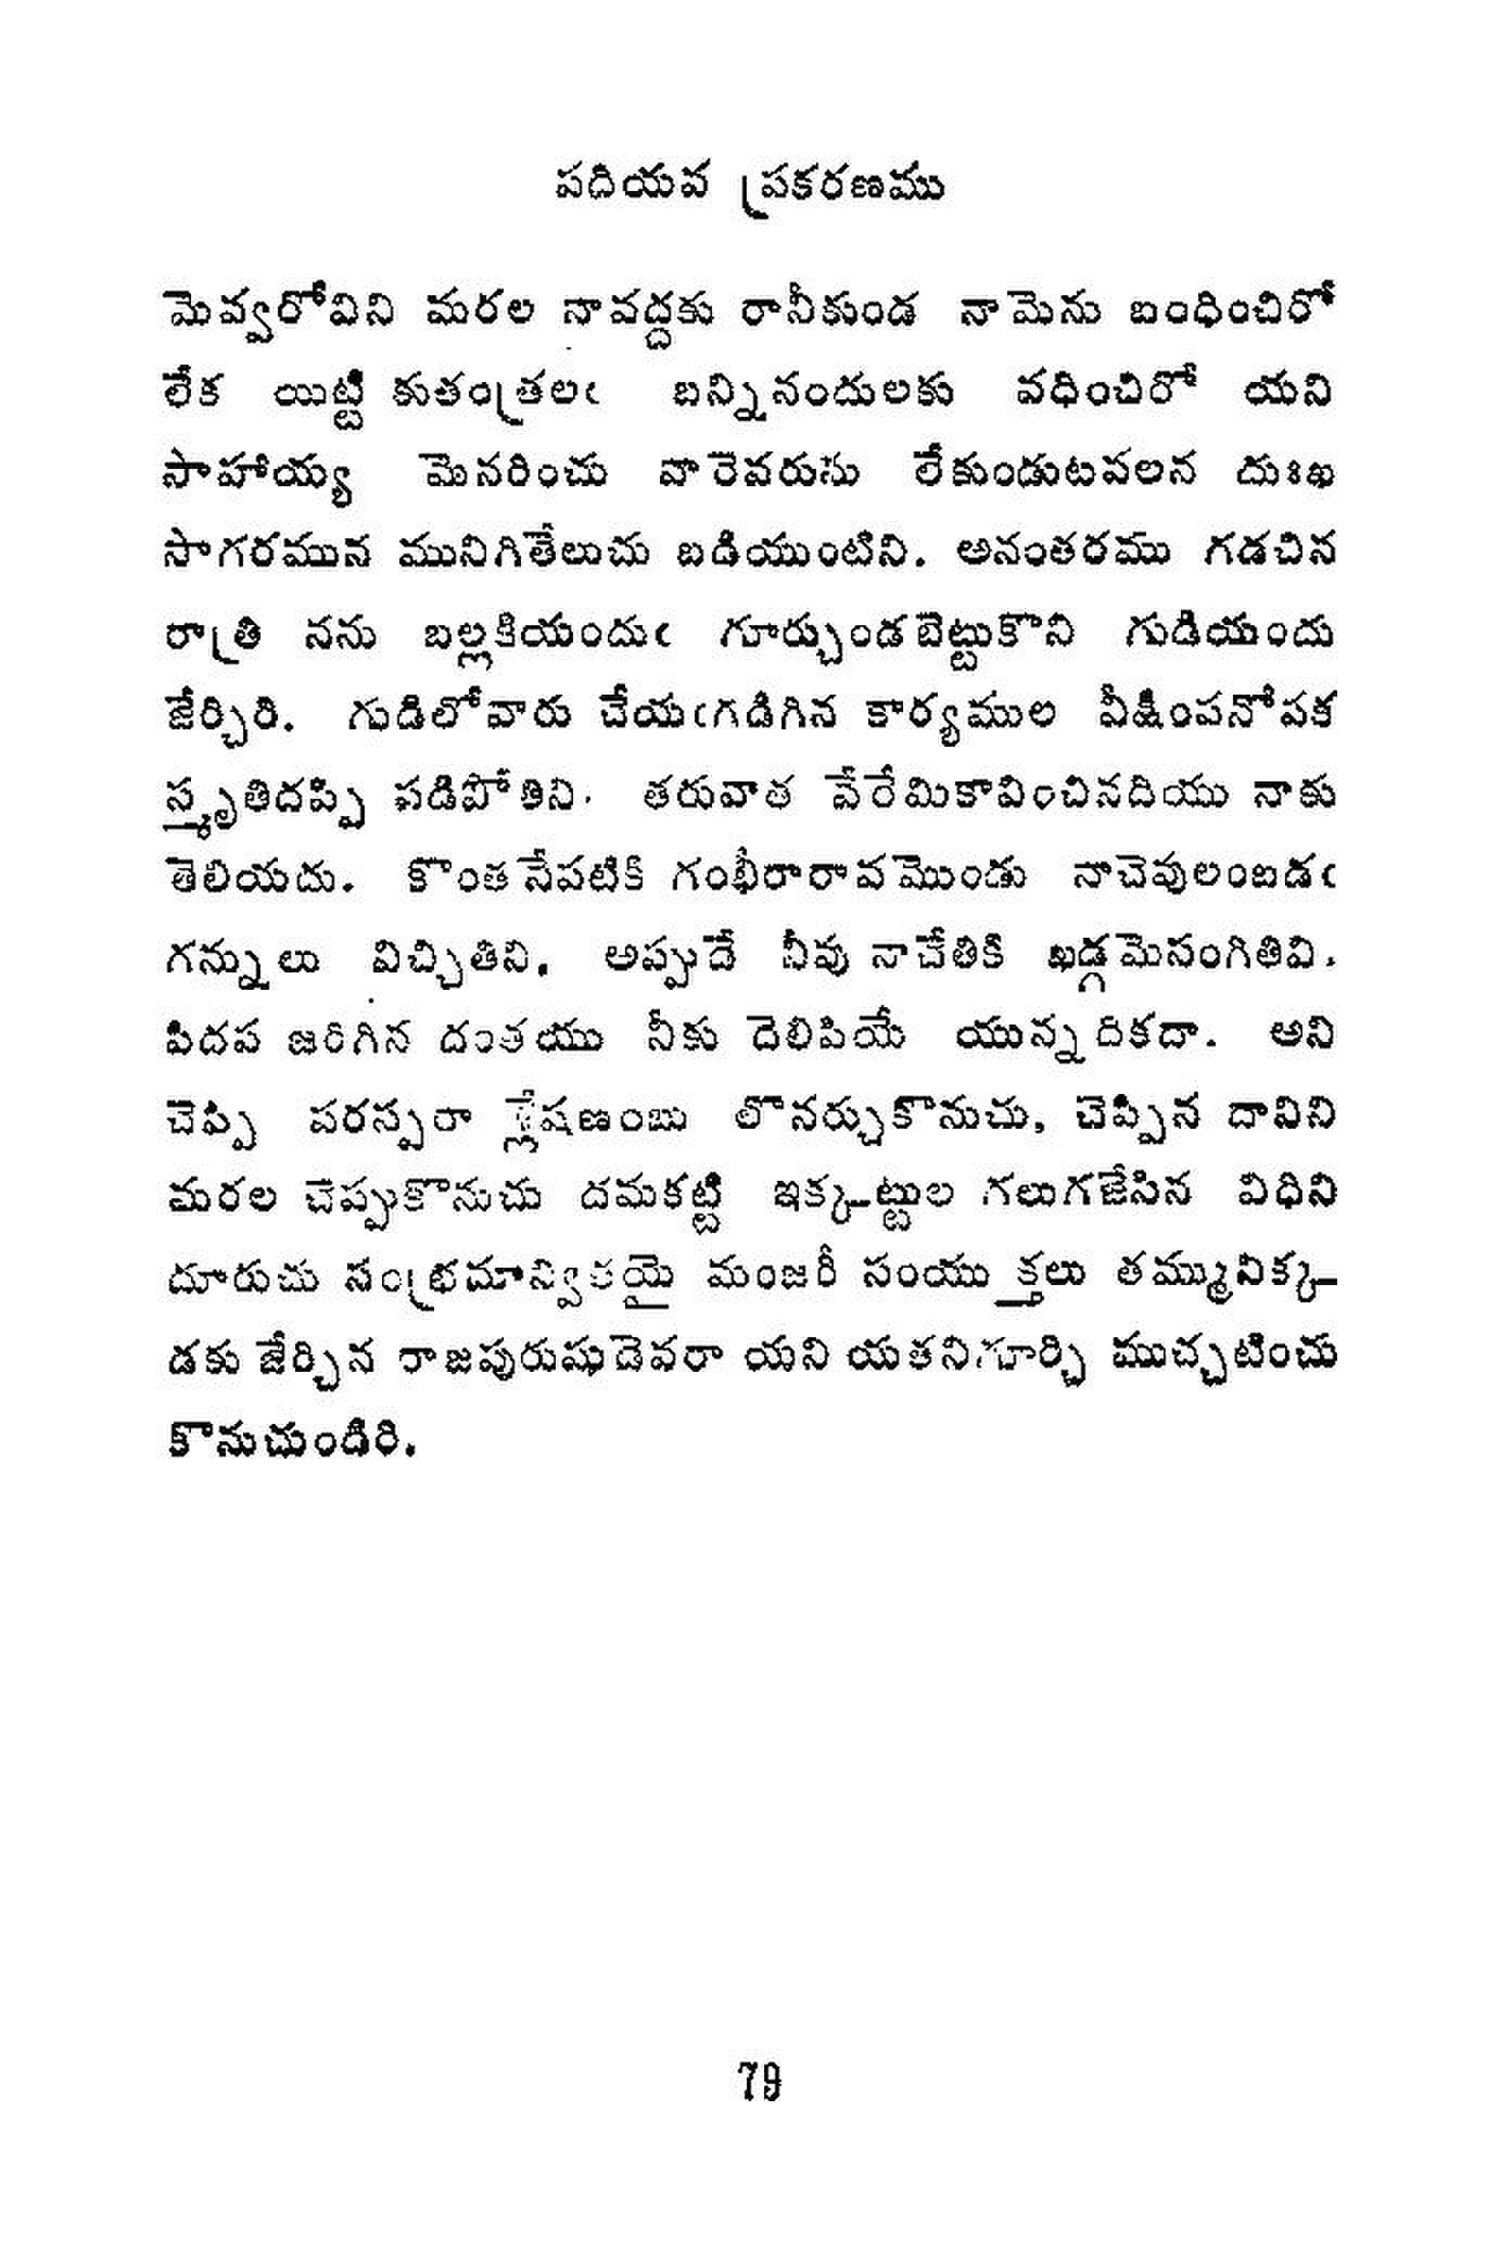మెవ్వరోవిని మరల నావద్దకు రానీకుండ నామెను బంధించిరో లేక యిట్టి కుతంత్రలఁ బన్నినందులకు వధించిరో యని సాహాయ్య మెనరించు వారెవరుసు లేకుండుటవలన దుఃఖసాగరమున మునిగితేలుచు బడియుంటిని. అనంతరము గడచిన రాత్రి నను బల్లకియందుఁ గూర్చుండబెట్టుకొని గుడియందు జేర్చిరి. గుడిలోవారు చేయఁగడిగిన కార్యముల వీక్షింపనోపక స్కృతిదప్పి పడిపోతిని. తరువాత వేరేమికావించినదియు నాకు తెలియదు. కొంతసేపటికీ గంభీరారావమొండు నాచెవులంబడఁ గన్నులు విచ్చితిని. అప్పుడే నీవు నాచేతికి ఖడ్గమొసంగితివి. పిదప జరిగిన దంతయు నీకు దెలిసియే యున్నదికదా. అని చెప్పి పరస్పరా శ్లేషణంబు లొనర్చుకొనుచు, చెప్పిన దానిని మరల చెప్పుకొనుచు దమకట్టి ఇక్కట్టుల గలుగజేసిన విధిని దూరుచు సంభ్రమాన్వితయై మంజరీ సంయుక్తలు తమ్మునిక్కడకు జేర్చిన రాజపురుషుడెవరా యని యతనిగూర్చి ముచ్చటించు కొనుచుండిరి.